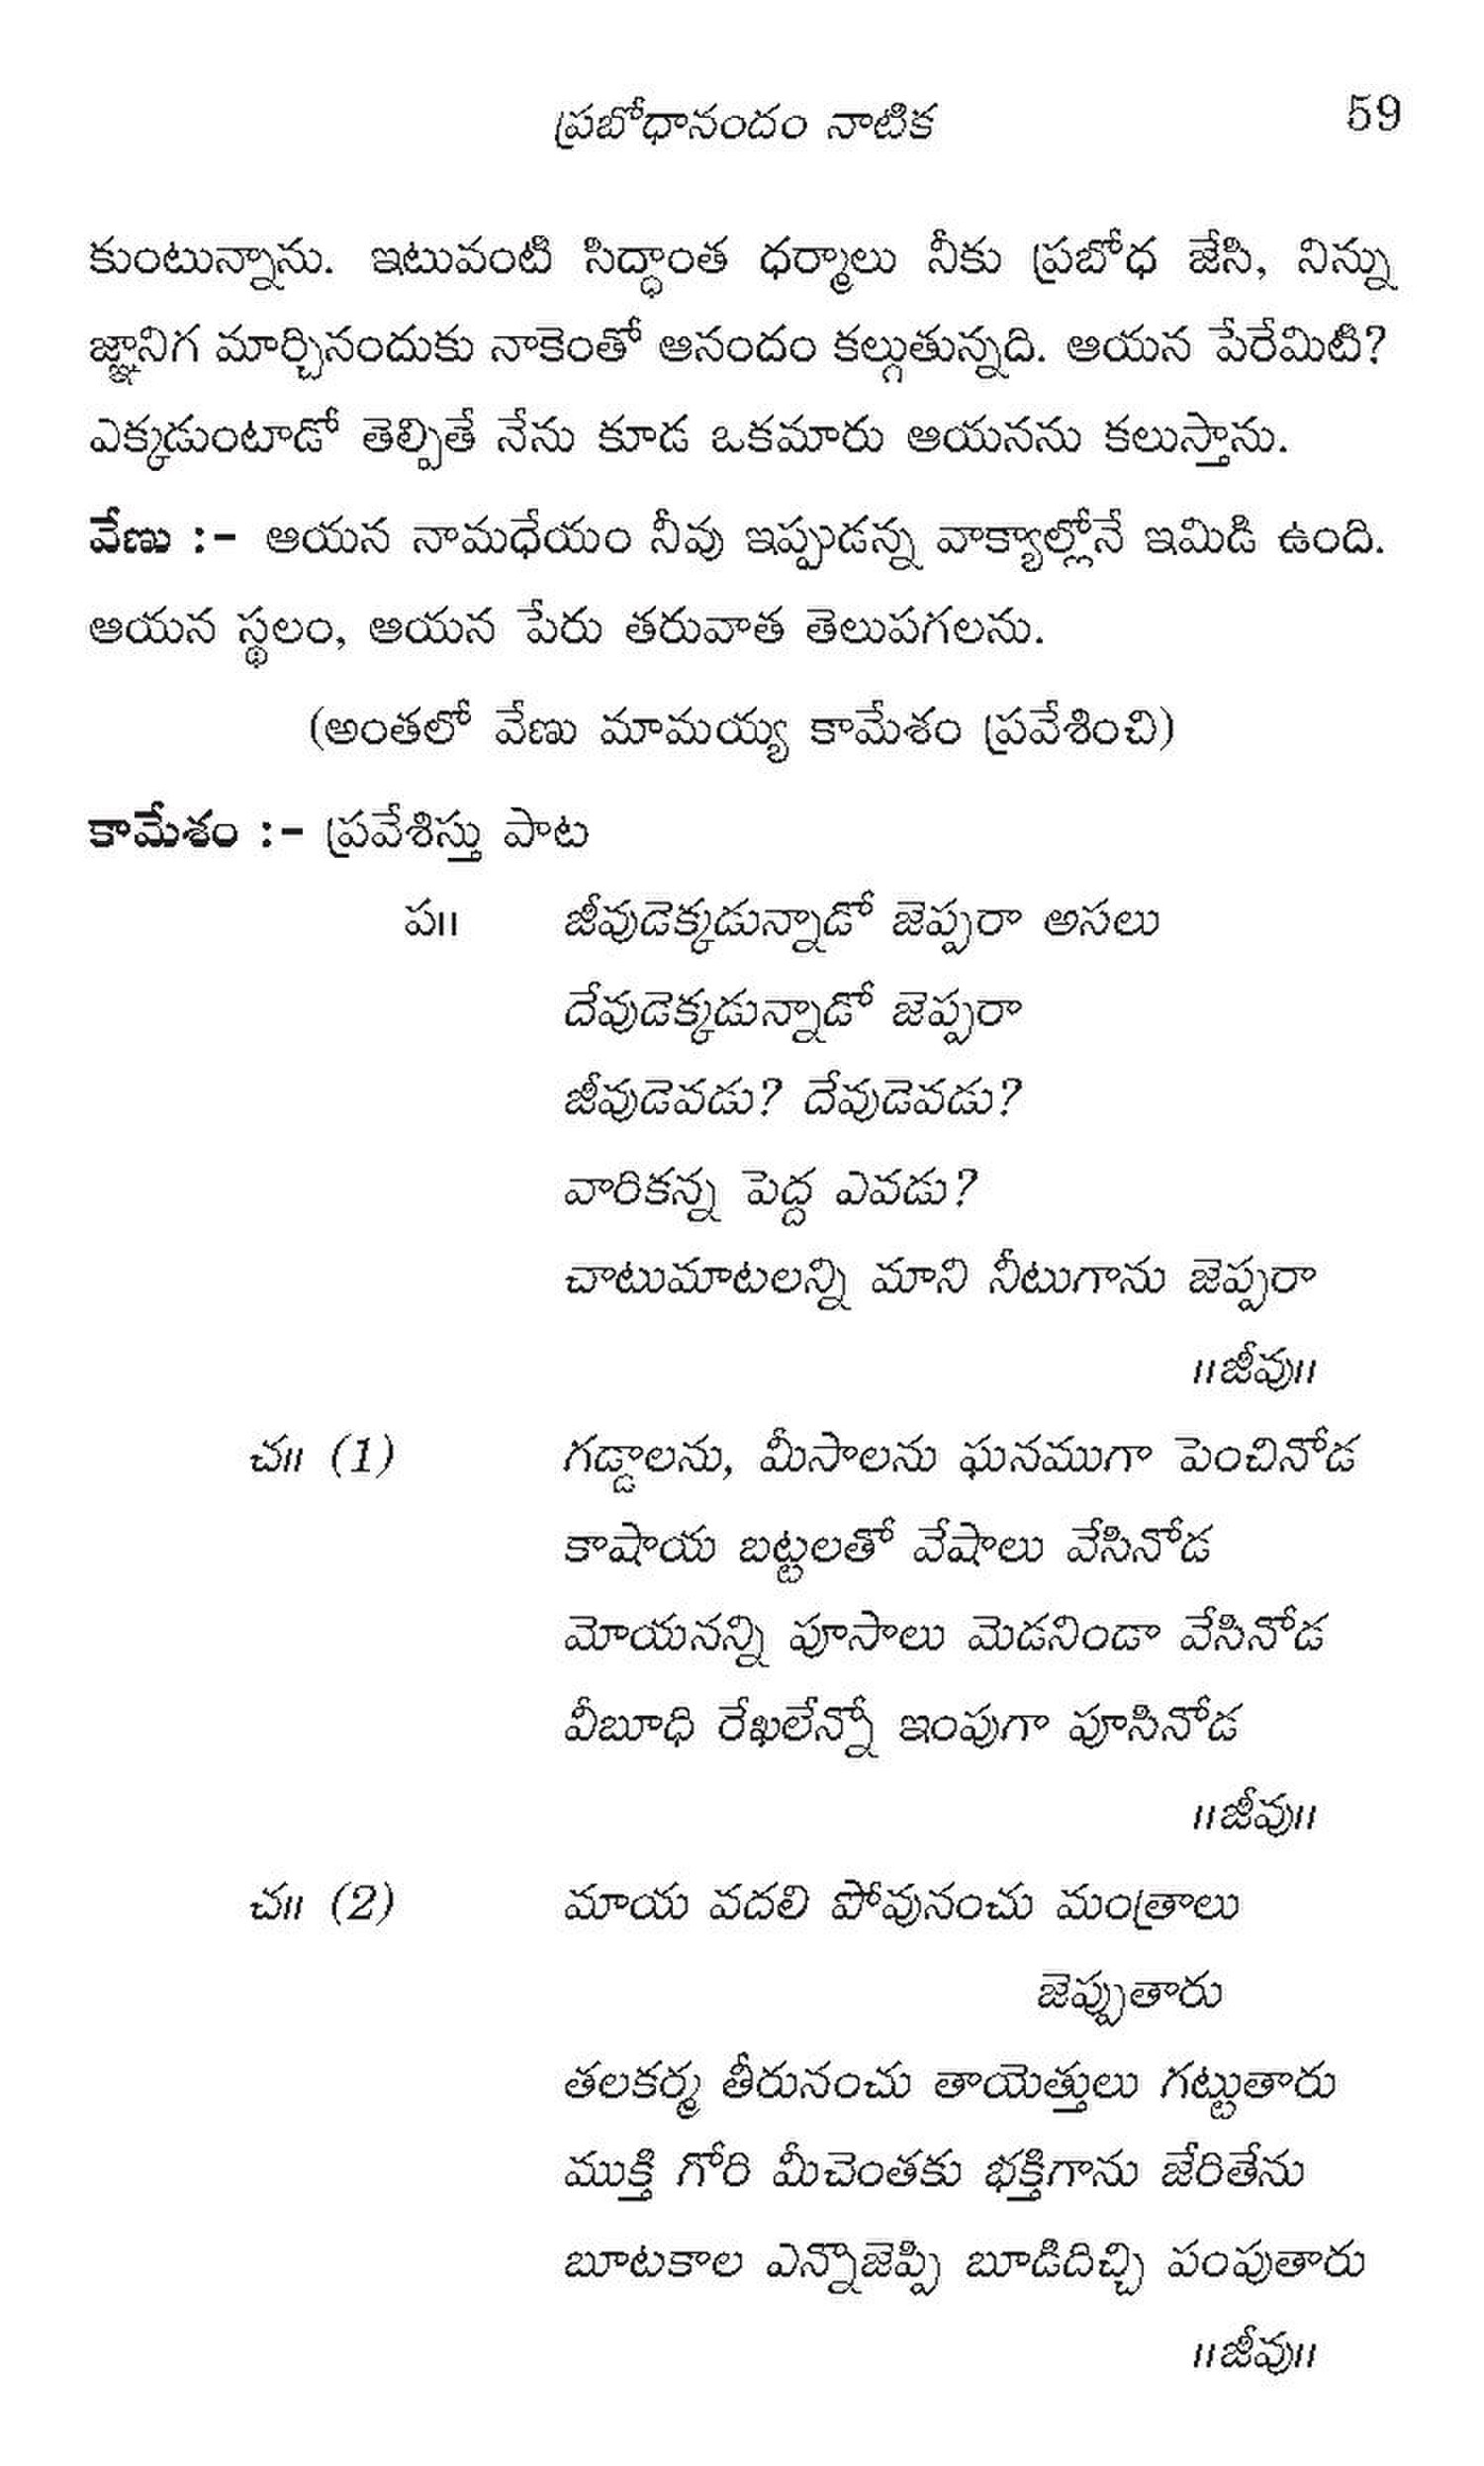కుంటున్నాను. ఇటువంటి సిద్ధాంత ధర్మాలు నీకు ప్రబోధ జేసి, నిన్ను జ్ఞానిగ మార్చినందుకు నాకెంతో ఆనందం కల్గుతున్నది. ఆయన పేరేమిటి? ఎక్కడుంటాడో తెల్పితే నేను కూడ ఒకమారు ఆయనను కలుస్తాను.

వేణు :-	 ఆయన నామధేయం నీవు ఇప్పుడన్న వాక్యాల్లోనే ఇమిడి ఉంది. ఆయన స్థలం, ఆయన పేరు తరువాత తెలుపగలను.

(అంతలో వేణు మామయ్య కామేశం ప్రవేశించి)

కామేశం :- ప్రవేశిస్తు పాట